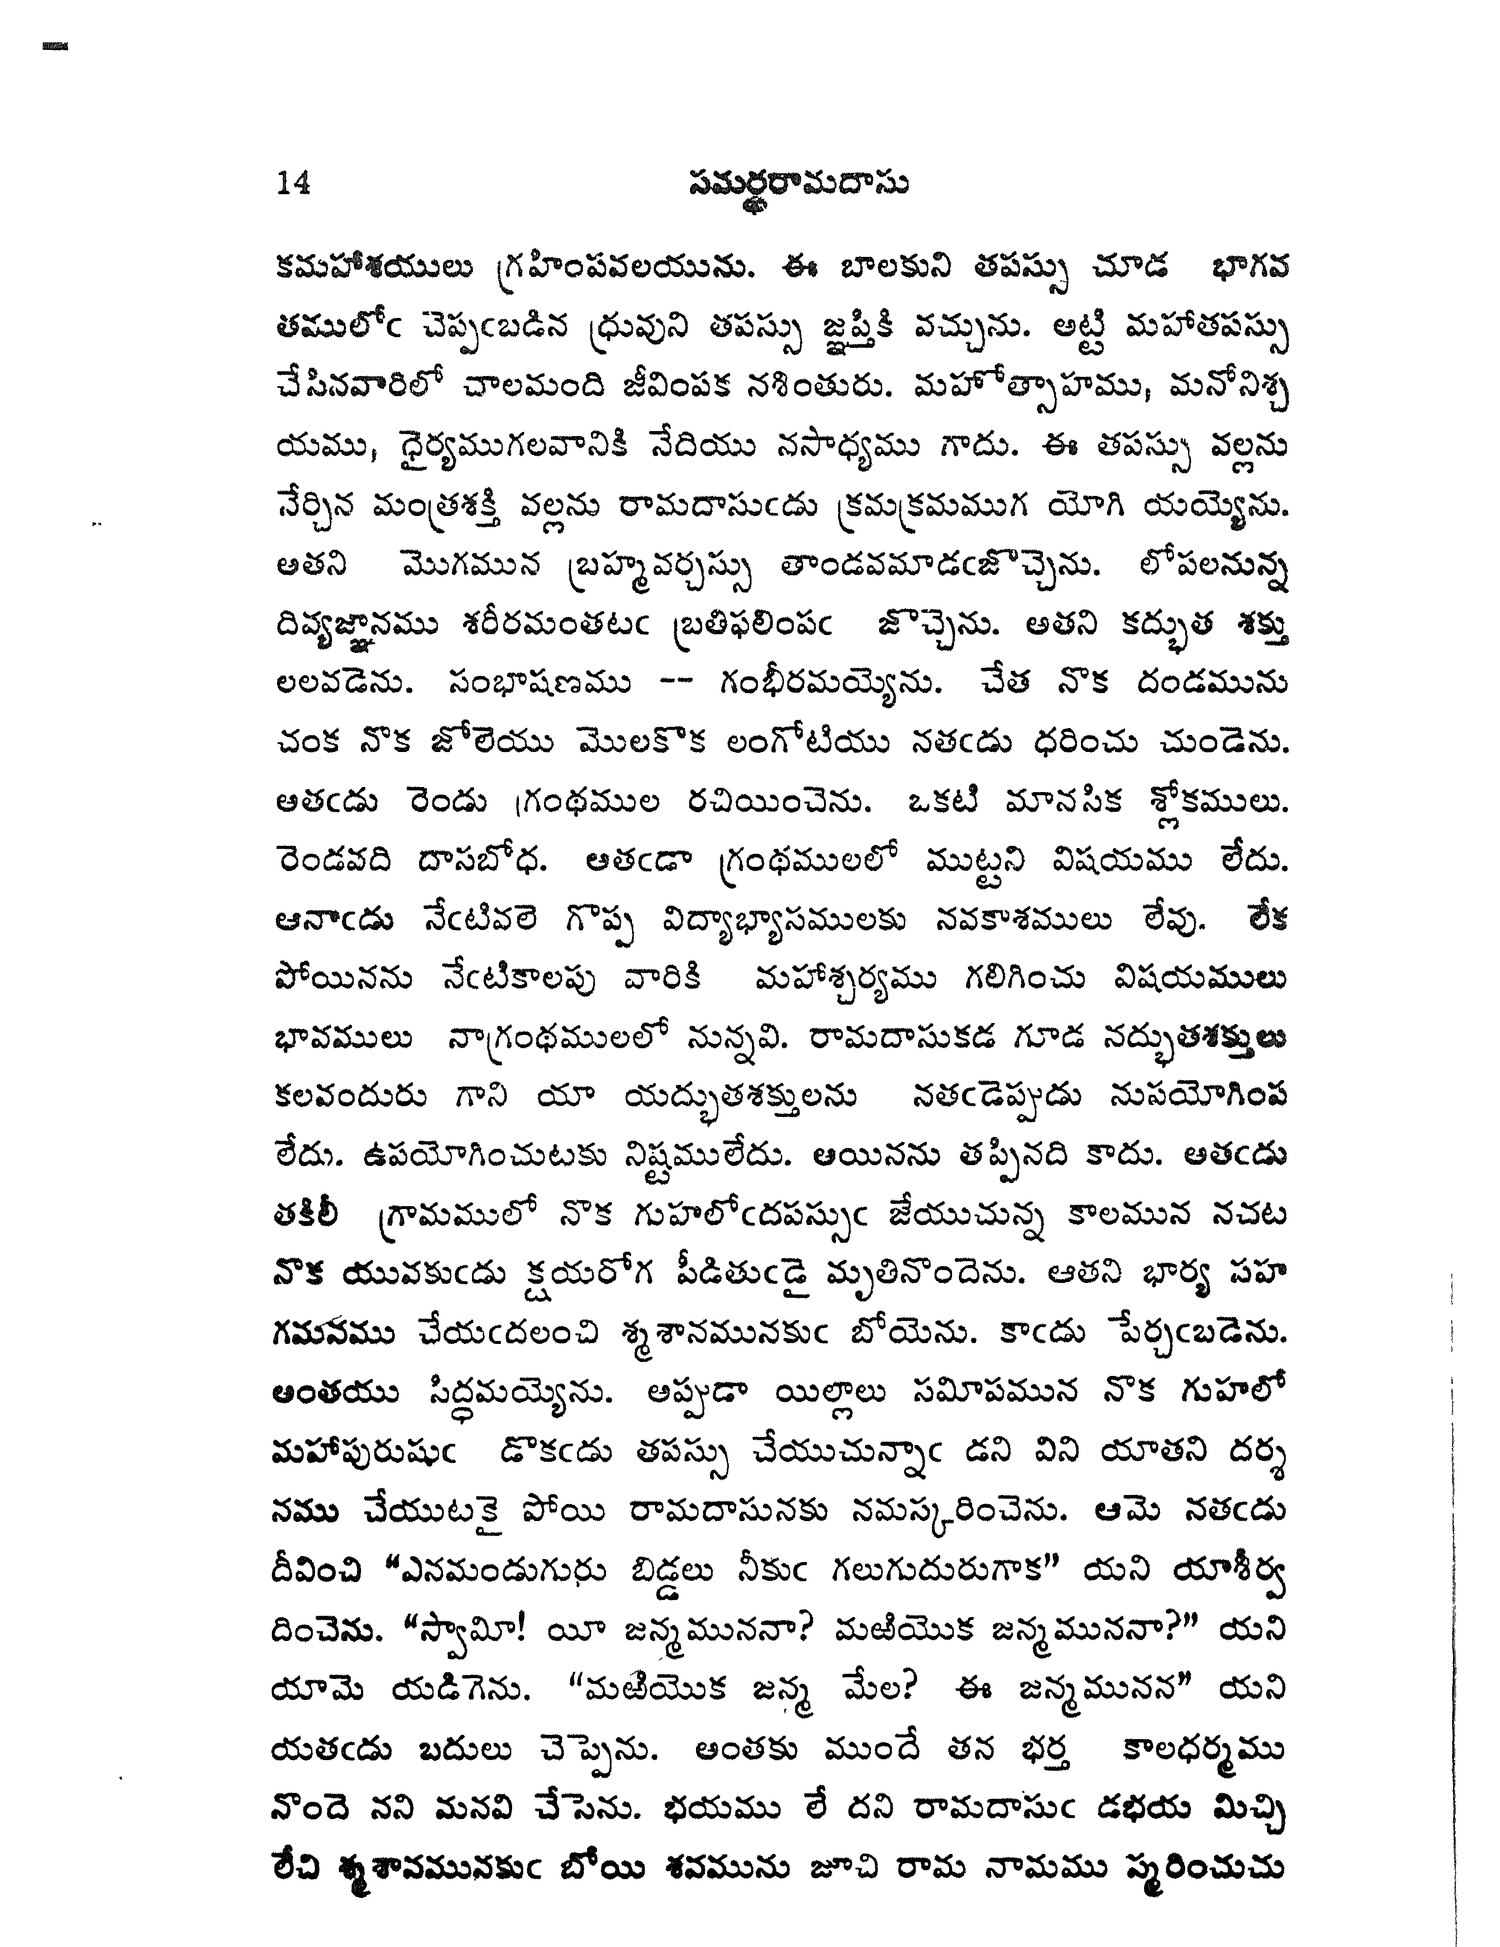కమహాశయులు గ్రహింపవలయును. ఈ బాలకుని తపస్సు చూడ భాగవతములో చెప్పబడిన ధ్రువుని తపస్సు జ్ఞప్తికి వచ్చును. అట్టి మహాతపస్సు చేసినవారిలో చాలమంది జీవింపక నశింతురు. మహోత్సాహము, మనోనిశ్చయము, ధైర్యముగలవానికి నేదియు నసాధ్యము గాదు. ఈ తపస్సు వల్లను నేర్చిన మంత్రశక్తి వల్లను రామదాసుడు క్రమక్రమముగ యోగి యయ్యెను. అతని మొగమున బ్రహ్మవర్చస్సు తాండవమాడజొచ్చెను. లోపలనున్న దివ్యజ్ఞానము శరీరమంతట బ్రతిఫలింప జొచ్చెను. ఆతని కద్భుత శక్తులలవడెను. సంభాషణము - గంభీరమయ్యెను. చేత నొక దండమును చంక నొక జోలెయు మొలకొక లంగోటియు నతడు ధరించు చుండెను. అతడు రెండు గ్రంథముల రచియించెను. ఒకటి మానసిక శ్లోకములు. రెండవది దాసబోధ. అతడా గ్రంథములలో ముట్టని విషయము లేదు. ఆనాడు నేటివలె గొప్ప విద్యాభ్యాసములకు నవకాశములు లేవు. లేక పోయినను నేటికాలపు వారికి మహాశ్చర్యము గలిగించు విషయములు భావములు నాగ్రంథములలో నున్నవి. రామదాసుకడ గూడ నద్భుతశక్తులు కలవందురు గాని యా యద్భుతశక్తులను నతడెప్పుడు నుపయోగింప లేదు. ఉపయోగించుటకు నిష్టములేదు. అయినను తప్పినది కాదు. ఆతడు తకిలీ గ్రామములో నొక గుహలో దపస్సు జేయుచున్న కాలమున నచట నొక యువకుడు క్షయరోగ పీడితుడై మృతినొందెను. ఆతని భార్య సహగమనము చేయదలంచి శ్మశానమునకు బోయెను. కాడు పేర్చబడెను. అంతయు సిద్ధమయ్యెను. అప్పుడా యిల్లాలు సమీపమున నొక గుహలో మహాపురుషు డొకడు తపస్సు చేయుచున్నా డని విని యాతని దర్శనము చేయుటకై పోయి రామదాసునకు నమస్కరించెను. ఆమె నతడు దీవించి "ఎనమండుగురు బిడ్డలు నీకు గలుగుదురుగాక" యని యాశీర్వదించెను. స్వామీ! యీ జన్మముననా? మఱియొక జన్మముననా?" యని యామె యడిగెను. "మఱియొక జన్మ మేల? ఈ జన్మమునన" యని యతడు బదులు చెప్పెను. అంతకు ముందే తన భర్త కాలధర్మము నొందె నని మనవి చేసెను. భయము లే దని రామదాసు డభయ మిచ్చిలేచి శ్మశానమునకు బోయి శవమును జూచి రామ నామము స్మరించుచు